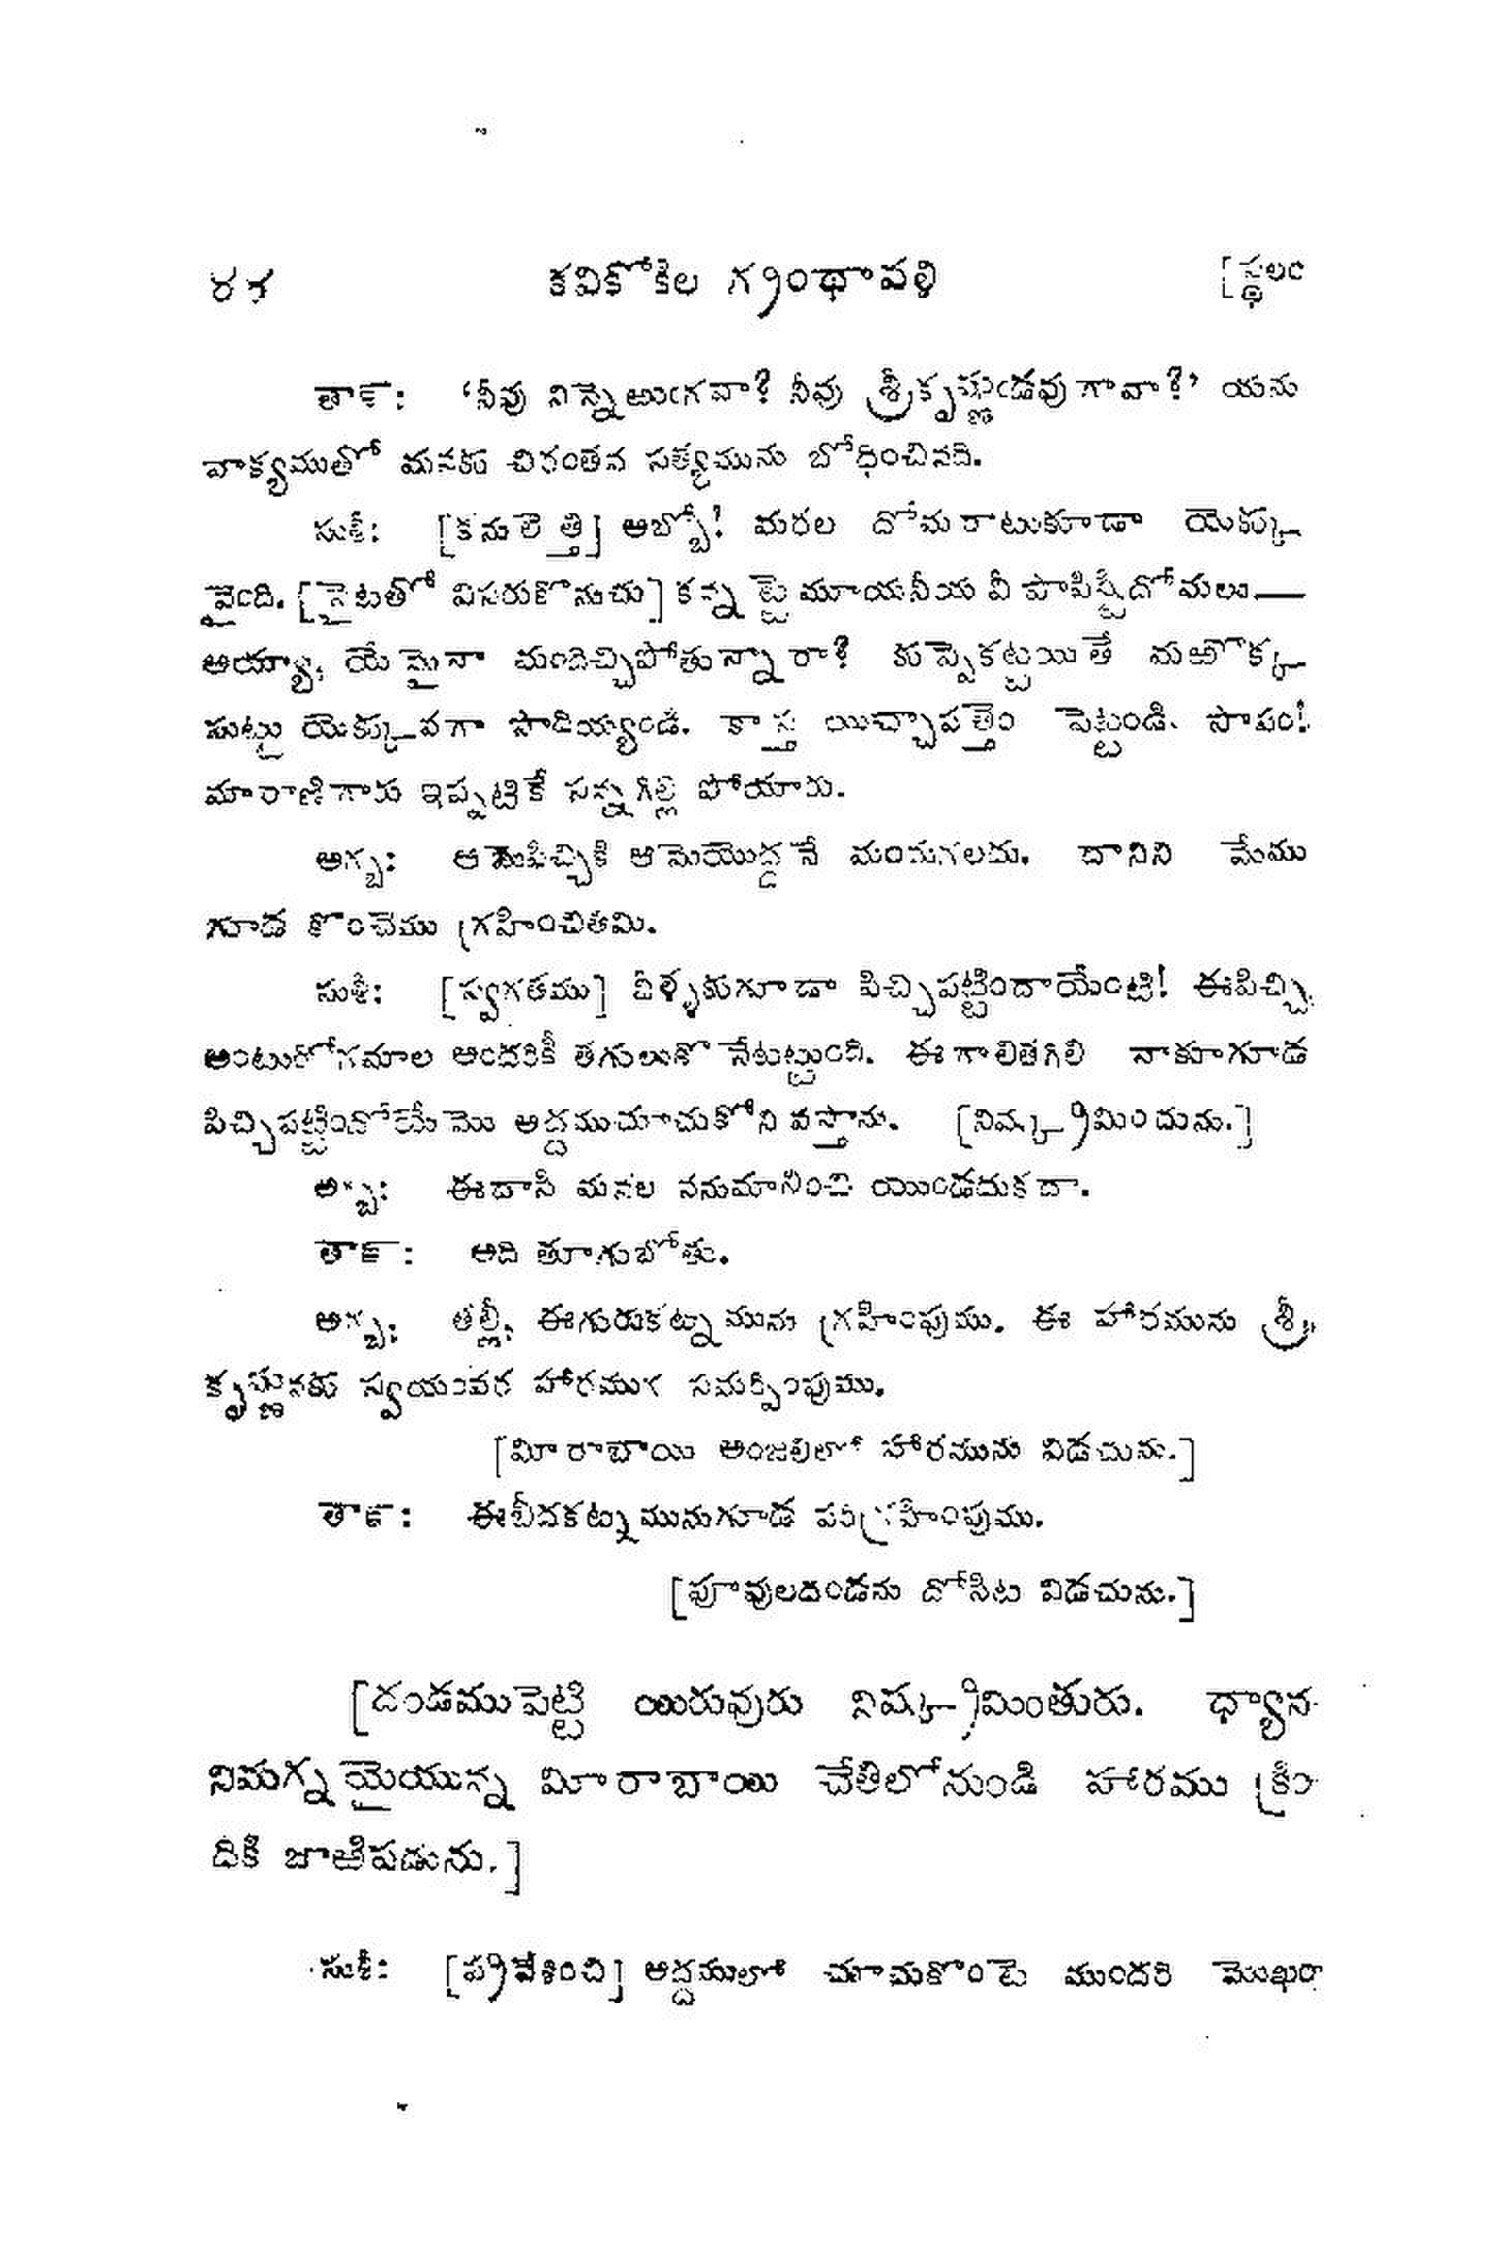తాన్ : 'నీవు నిన్నెఱుఁగవా? నీవు శ్రీకృష్ణుఁడవు గావా ?' యను వాక్యముతో మనకు చిరంతన సత్యమును బోధించినది.

సుశీ : [కనులెత్తి] అబ్బో! మరల దోమరాటుకూడా యెక్కువైంది. [పైటతో విసరుకొనుచు] కన్నట్టైమూయనీయ వీ పాపిష్టిదోమలు - అయ్యా, యేమైనా మందిచ్చిపోతున్నారా ? కుప్పెకట్టయితే మఱొక్క సుట్టు యెక్కువగా సాదియ్యండి. కాస్త యిచ్చాపత్తెం పెట్టండి. పాపం మారాణిగారు ఇప్పటికే సన్నగిల్లి పోయారు.

అగ్బ : ఆమెపిచ్చికి ఆమెయొద్దనే మందుగలదు. దానిని మేము గూడ కొంచెము గ్రహించితిమి.

సుశీ : [స్వగతము] వీళ్ళకుగూడా పిచ్చిపట్టిందాయేంటి ! ఈపిచ్చి అంటురోగమాల అందరికీ తగులుకొనేటట్టుంది. ఈ గాలితగిలి నాకుగూడ పిచ్చిపట్టిందోయేమొ అద్దముచూచుకొనివస్తాను. [నిష్క్రమించును.]

అగ్బ : ఈదాసి మనల ననుమానించి యుండదుకదా.

తాన్ : అది తూగుబోతు.

అగ్బ : తల్లీ, ఈగురుకట్నమును గ్రహింపుము. ఈ హారమును శ్రీ కృష్ణునకు స్వయంవర హారముగ సమర్పింపుము.

[మీరాబాయి అంజలిలో హారమును విడచును.]

తాన్ : ఈబీదకట్నమునుగూడ సంగ్రహింపుము. [పూవులదండను దోసిట విడచును.]

సుశీ : [ప్రవేశించి] అద్దములో చూచుకొంటె ముందరి మొఖం